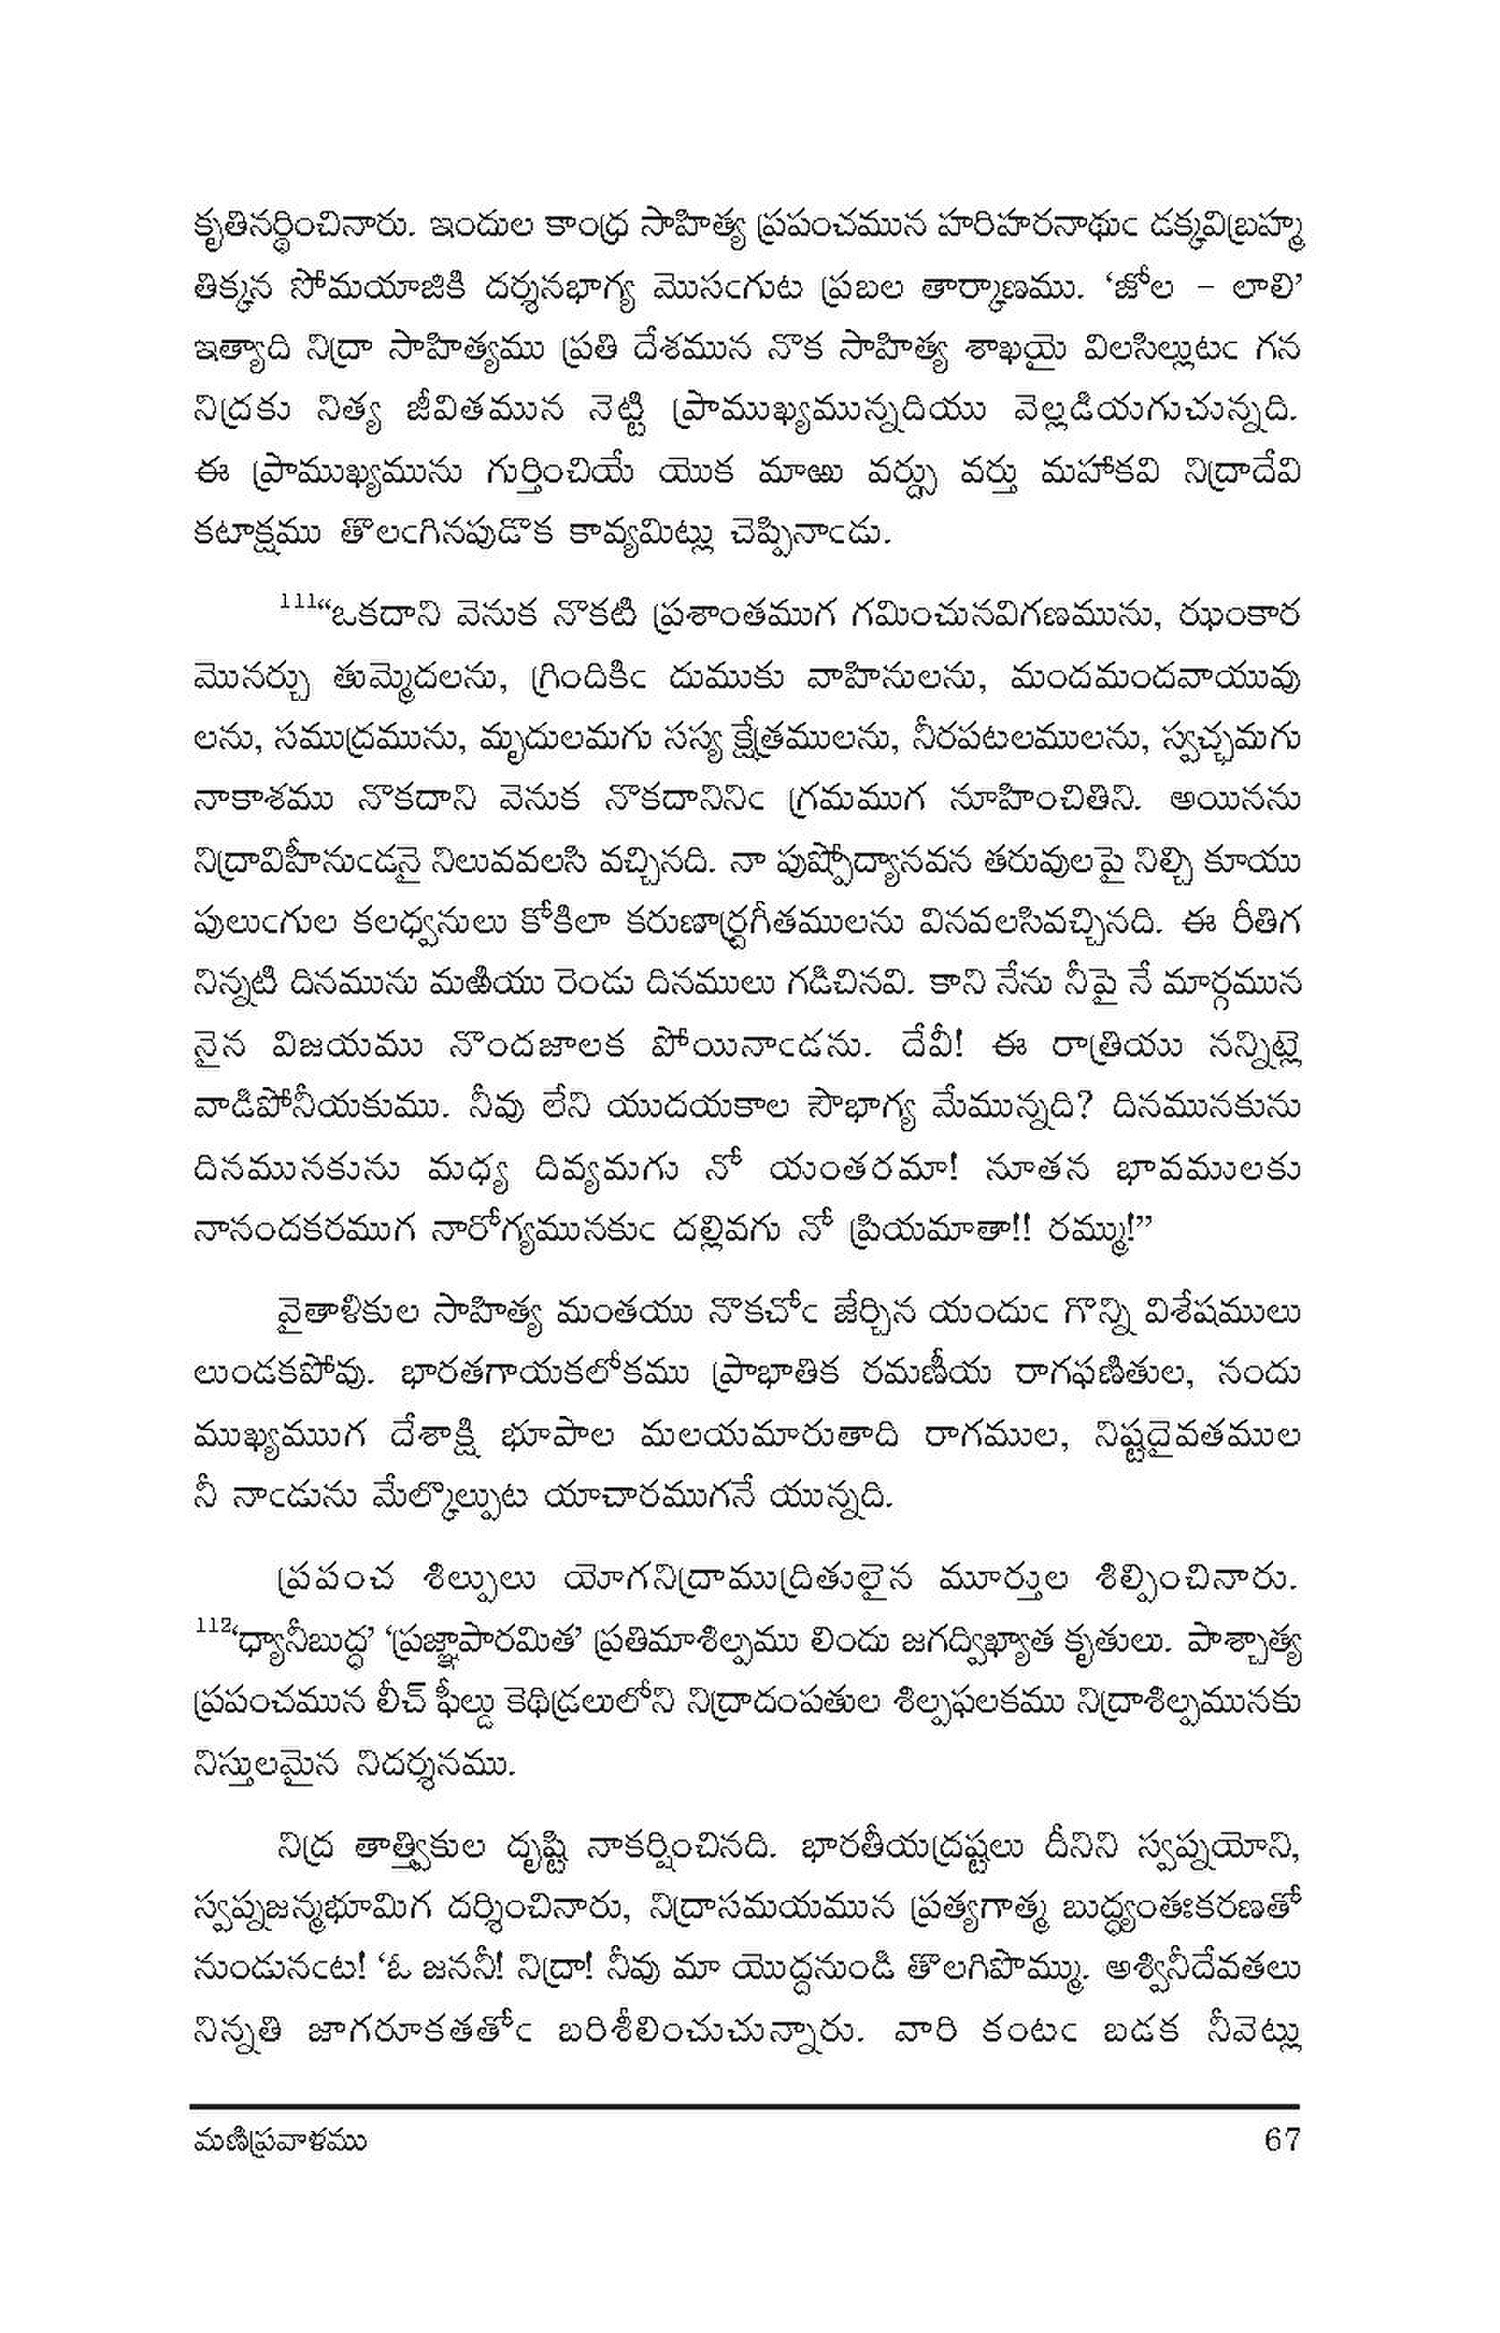కృతివర్ణించినారు. ఇందుల కాంధ్ర సాహిత్య ప్రపంచమున హరిహరనాథుఁ డక్కవిబ్రహ్మ
తిక్కన సోమయాజికి దర్శనభాగ్య మొసఁగుట ప్రబల తార్కాణము. 'జోల లాలి'
ఇత్యాది నిద్రా సాహిత్యము ప్రతి దేశమున నొక సాహిత్య శాఖయై విలసిల్లుటఁ గన
నిద్రకు నిత్య జీవితమున నెట్టి ప్రాముఖ్యమున్నదియు వెల్లడియగుచున్నది.
ఈ ప్రాముఖ్యమును గుర్తించియే యొక మాఱు వర్డ్సువర్తు మహాకవి నిద్రాదేవి
కటాక్షము తొలఁగినపుడొక కావ్యమిట్లు చెప్పినాఁడు.

"ఒకదాని వెనుక నొకటి ప్రశాంతముగ గమించునవిగణమును, ఝంకార
మొనర్చు తుమ్మెదలను, గ్రిందికిఁ దుముకు వాహినులను, మందమందవాయువు
లను, సముద్రమును, మృదులమగు సస్య క్షేత్రములను, నీరపటలములను, స్వచ్ఛమగు
నాకాశము నొకదాని వెనుక నొకదానినిఁ గ్రమముగ నూహించితిని. అయినను
నిద్రావిహీనుఁడనై నిలువవలసి వచ్చినది. నా పుష్పోద్యానవన తరువులపై నిల్చి కూయు
పులుఁగుల కలధ్వనులు కోకిలా కరుణార్ద్రగీతములను వినవలసివచ్చినది. ఈ రీతిగ
నిన్నటి దినమును మఱియు రెండు దినములు గడిచినవి. కాని నేను నీపై నే మార్గమున
నైన విజయము నొందజాలక పోయినాఁడను. దేవీ! ఈ రాత్రియు నన్నిట్లె
వాడిపోనీయకుము. నీవు లేని యుదయకాల సౌభాగ్య మేమున్నది? దినమునకును
దినమునకును మధ్య దివ్యమగు నో యంతరమా! నూతన భావములకు
నానందకరముగ నారోగ్యమునకుఁ దల్లివగు నో ప్రియమాతా!! రమ్ము!"

వైతాళికుల సాహిత్య మంతయు నొకచోఁ జేర్చిన యందుఁ గొన్ని విశేషములు
లుండకపోవు. భారతగాయకలోకము ప్రాభాతిక రమణీయ రాగఫణితుల, నందు
ముఖ్యముగ దేశాక్షి భూపాల మలయమారుతాది రాగములు, నిష్టదైవతముల
నీ నాఁడును మేల్కొల్పుట యాచారముగనే యున్నది.

ప్రపంచ శిల్పులు యోగనిద్రాముద్రితులైన మూర్తుల శిల్పించినారు.
ధ్యానీబుద్ధ' 'ప్రజ్ఞాపారమిత' ప్రతిమాశిల్పము లిందు జగద్విఖ్యాత కృతులు. పాశ్చాత్య
ప్రపంచమున లీచ్ ఫీల్డు కెథడ్రలులోని నిద్రాదంపతుల శిల్పఫలకము నిద్రాశిల్పమునకు
నిస్తులమైన నిదర్శనము.

నిద్ర తాత్త్వికుల దృష్టి నాకర్షించింది. భారతీయ ద్రష్టలు దీనిని స్వప్నయోని,
స్వప్నజన్మభూమిగ దర్శించినారు, నిద్రాసమయమున ప్రత్యగాత్మ బుద్ధ్యంతఃకరణతో
నుండునఁట! 'ఓ జననీ! నిద్రా! నీవు మా యొద్దనుండి తొలగిపొమ్ము. అశ్వినీదేవతలు
నిన్నతి జాగరూకతతోఁ బరిశీలించుచున్నారు. వారి కంటఁ బడక నీవెట్లు